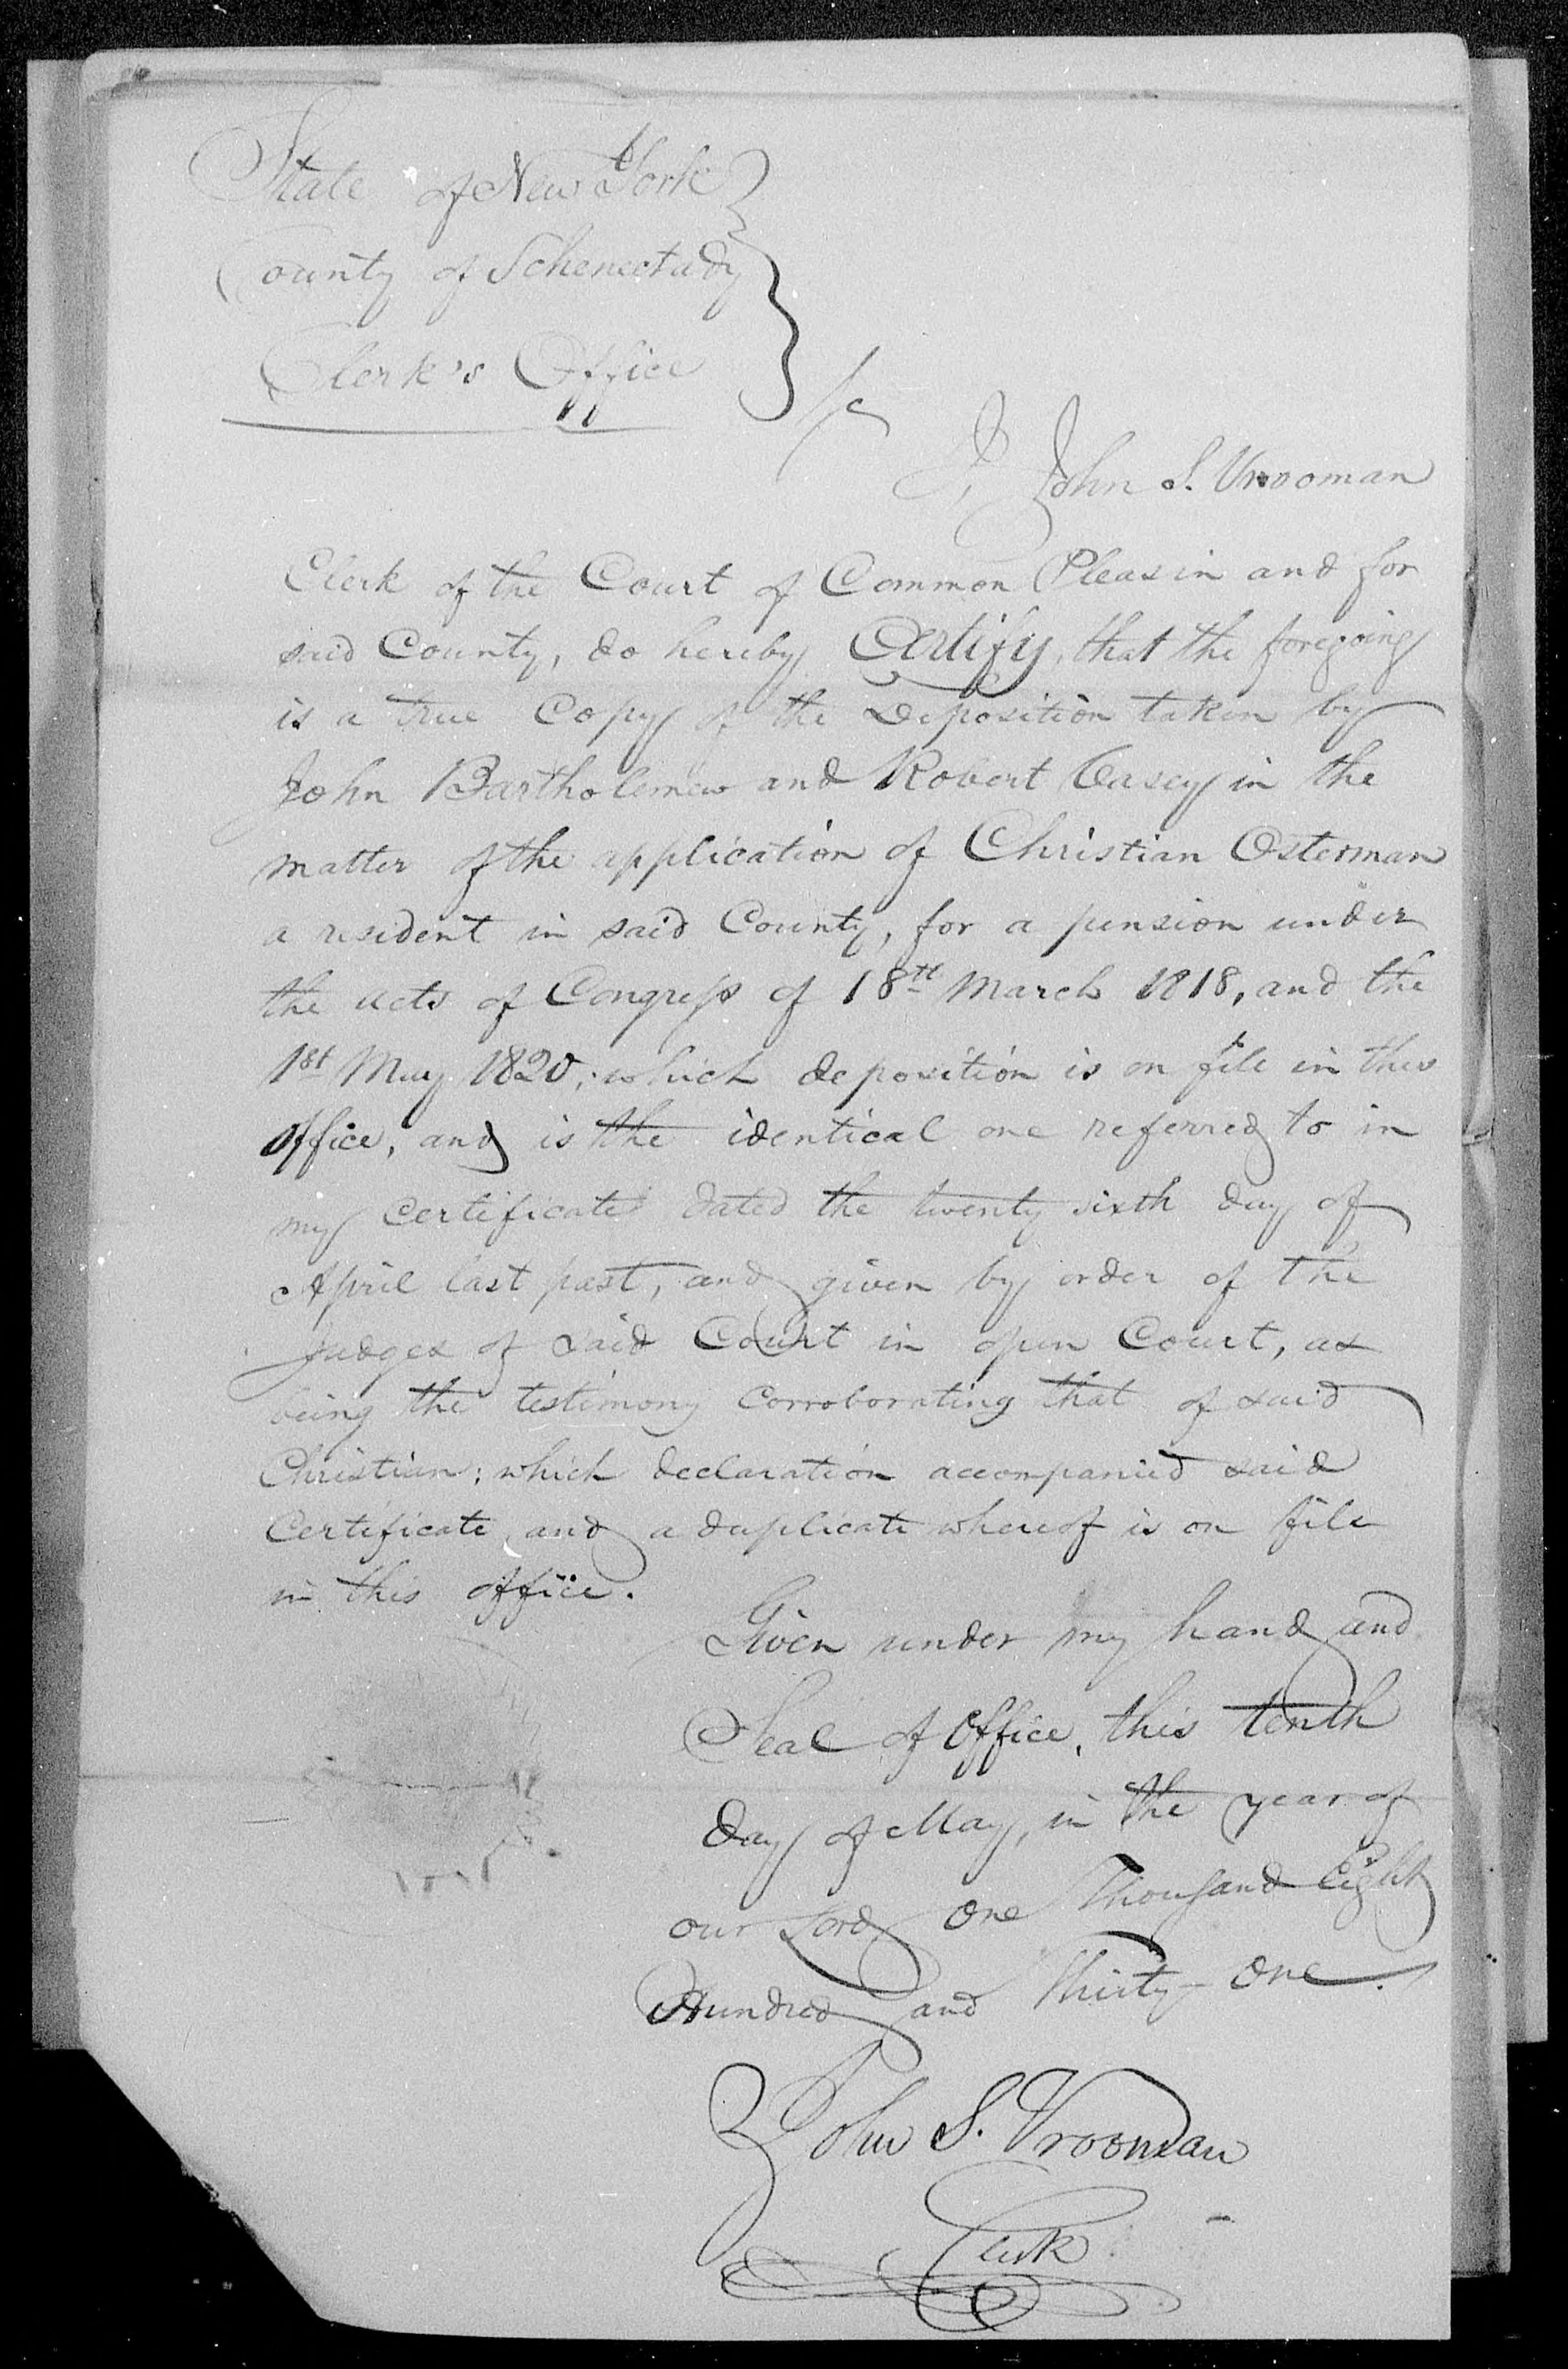State of New York
County of Schenectady 
Clerk's Office
ss. 
I, John S. Vrooman Clerk of the Court of Common Pleas in and for said County, do hereby certify that the foregoing is a true copy of the Deposition taken by John Bartholomew and Robert Casey in the matter of the application of Christian Osterman a resident in said County, for a pension under the Acts of Congress of 18th March 1818 and the 1st May 1820, which deposition is on file in this office, and is the identical one referred to in my certificate dated the twenty sixth day of April last past, and given by order of the judges of said Court in open Court & being the testimony corroborating that of said Christian, which declaration accompanied said certificate and a duplicate whereof is on file in this office. 
Given under my hand and seal of office this tenth day of May in the year of our Lord one thousand eight hundred and thirty-one
John S. Vrooman 
Clerk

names: John Bartholemew; Robert Casey; Christian Osterman; John S Vrooman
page: 27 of 40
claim: widow's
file: W. 21876, for Christian Osterman, New York